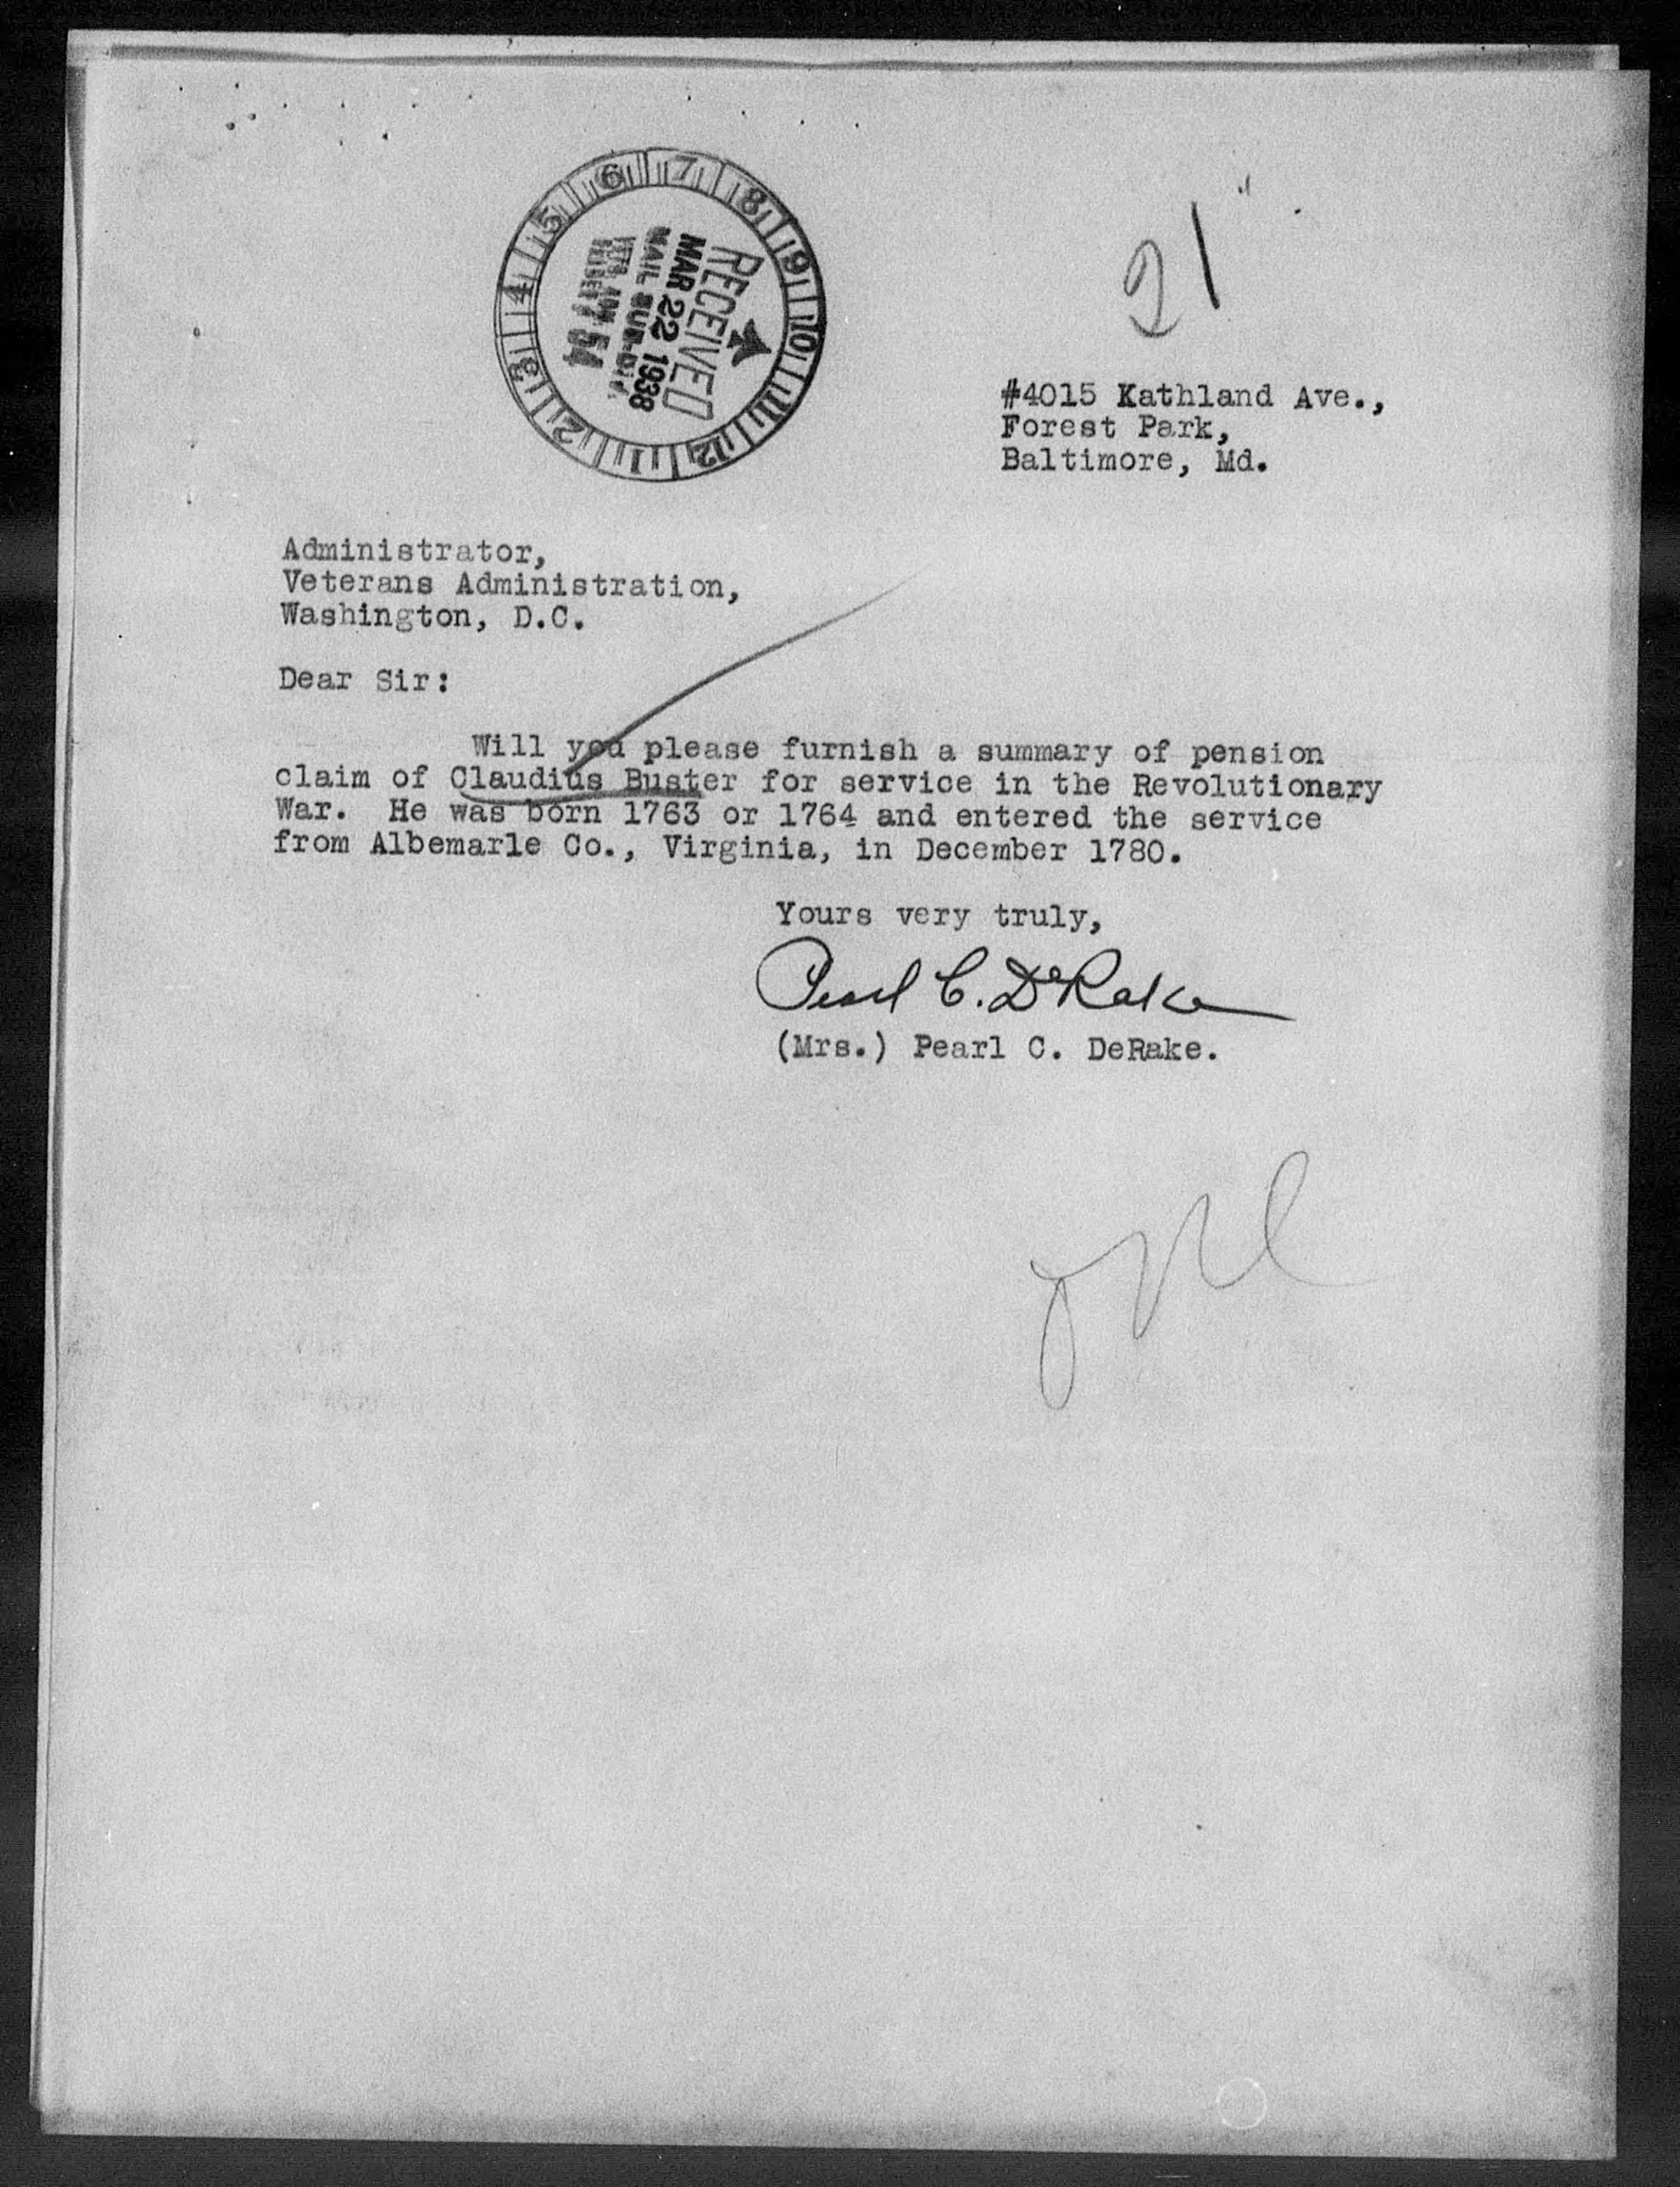#4015 Kathland Ave.,
Forest Park,
Baltimore, Md.

Administrator,
Veterans Administration,
Washington, D. C.

Dear Sir:

Will you please furnish a summary of pension claim of Claudius Buster for service in the Revolutionary War. He ws born 1763 or 1764 and entered the service from Albemarle Co., Virginia, in December 1780.

Yours very truly,
Pearl C. DeRake [signature]
(Mrs.) Pearl C. DeRake.

21

one

RECEIVED 
MAR 22 1938
MAIL SUB-DIV.
VETS ADM.
READER 54 [ink stamp]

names: Claudius Buster, Pearl C De Rake, Pearl C De Rake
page: 51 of 71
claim: widow's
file: W. 25310, Claudius Buster, Va.